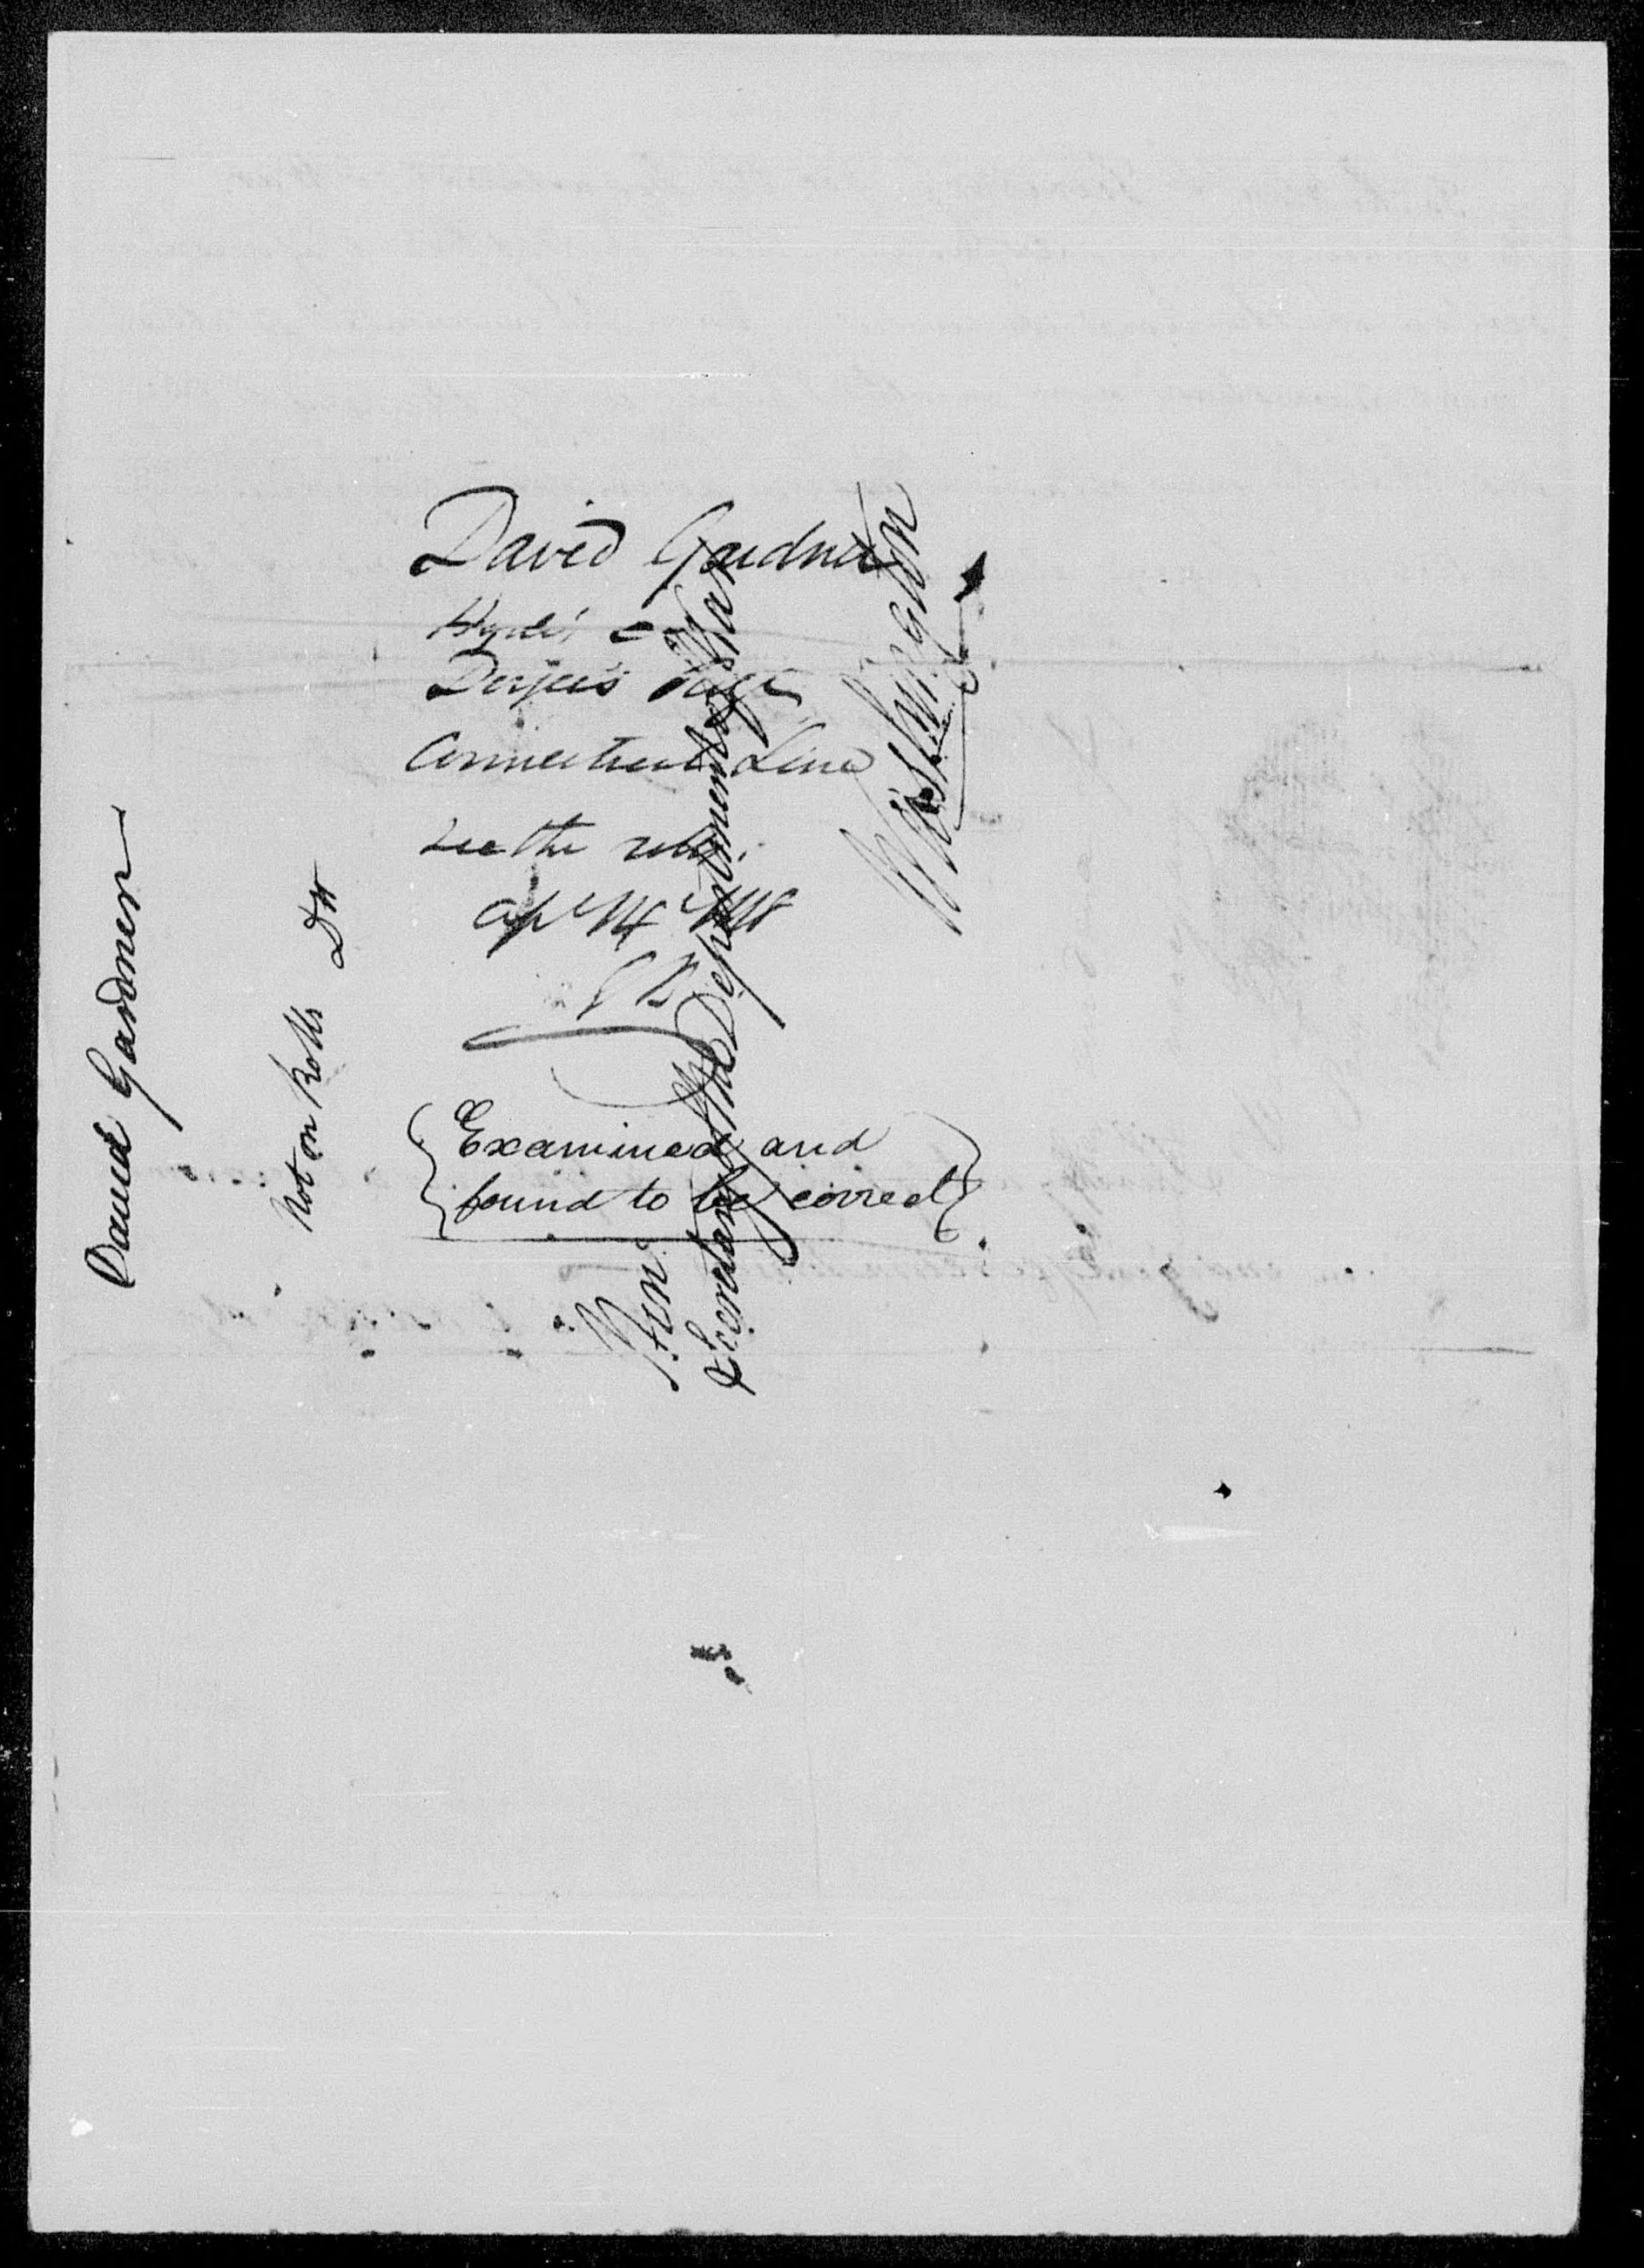(Vertical Lines starting from the left)
[handwritten]
David Gardner
not on Rolls DH.

Hon
Secretary of the Department of War
Washington

(Horizontal Writing)
David Gardner
Hyde
Derjus Page
Connecticut Line 
See the rolls
April 14, 1828

{Examined and found to be correct}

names: Hyde, David Gardner, David Gardner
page: 5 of 66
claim: widow's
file: W 1850, David Gardner, Conn.